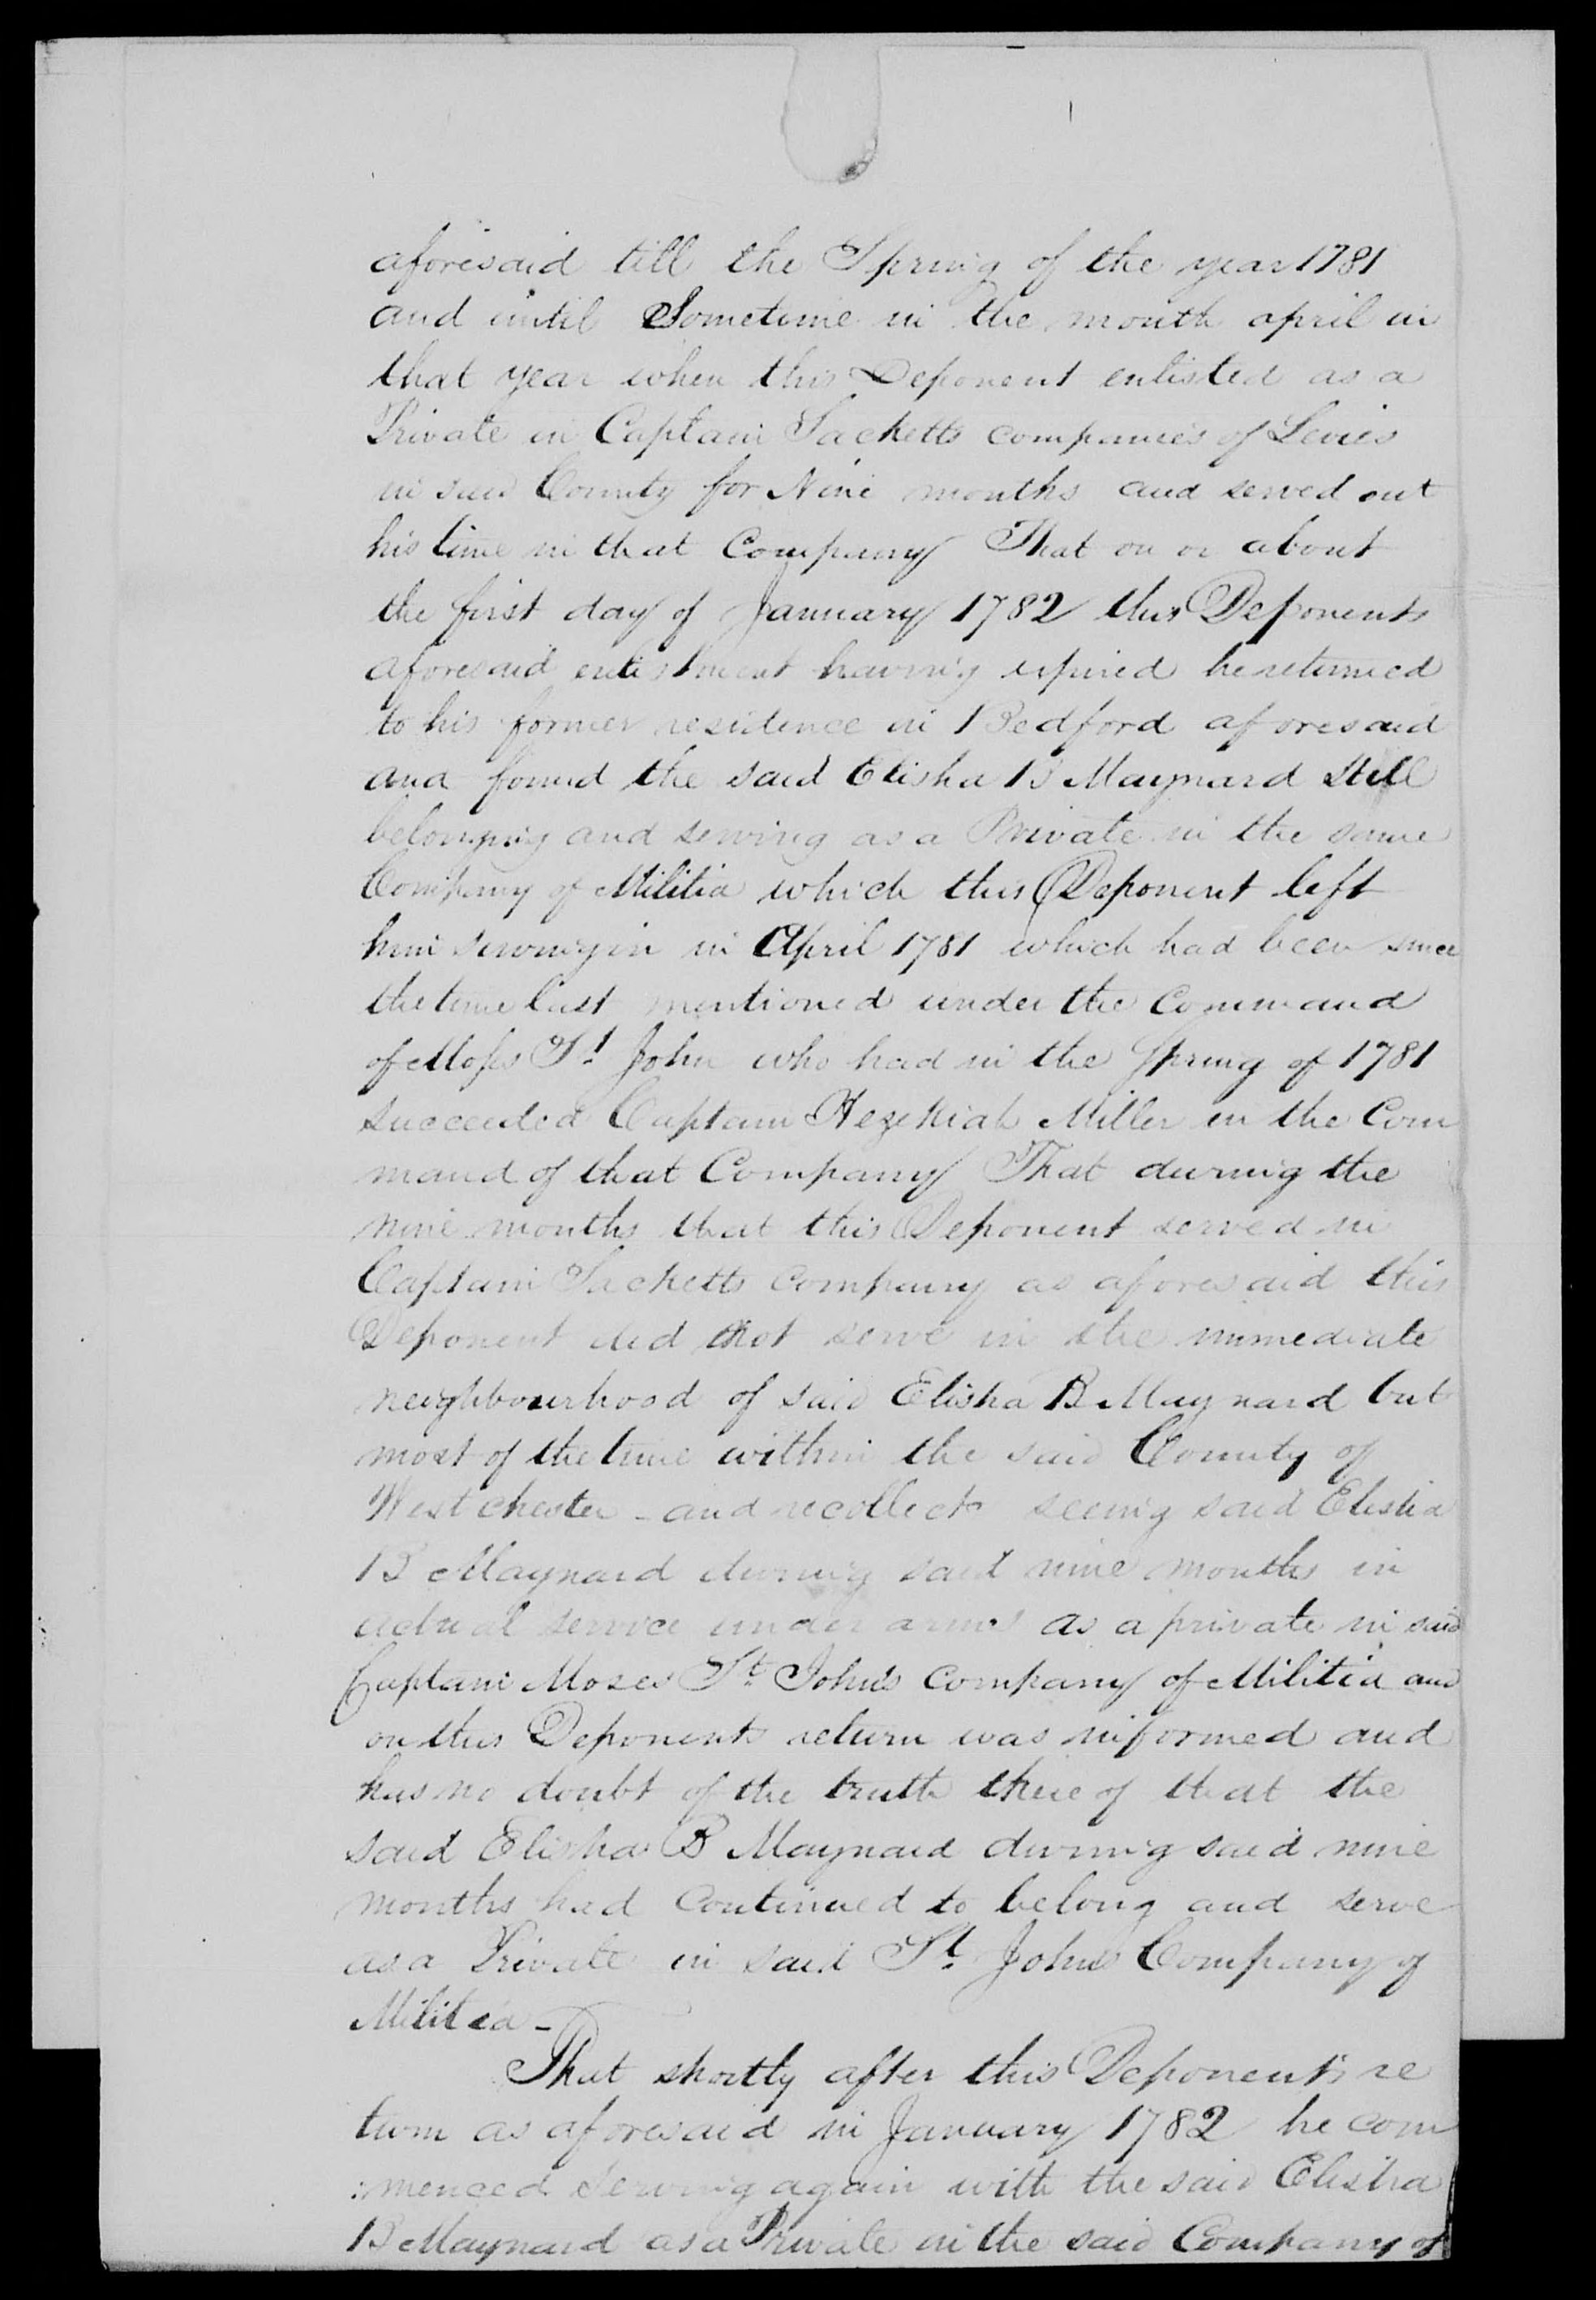aforesaid till the Spring of the year 1781 and until Sometime in the month april in that year when this Deponent enlisted as a Private in Captain Sacketts companies of Levies in said County for Nine months and served out his time in that Company That on or about the first day of January 1782 this Deponents aforesaid enlistment having expired he returned to his former residence in Bedford aforesaid and found the said Elisha B Maynard Still belonging and serving as a Private in the same Company of Militia which this Deponent left him serving in in April 1781 which had been since the time last mentioned under the Command of Moses St. John who had in the Spring of 1781 succeeded Captain Hezekiah Miller in the Command of that Company That during the nine months that this Deponent served in Captain Sacketts Company as aforesaid this Deponent did not serve in the immediate neighbourhood of said Elisha B Maynard but most of the time within the said County of Westchester - and recollects seeing said Elisha B Maynard during said nine months in actual service under arms as a private in said Captain Moses St John's Company of Militia and on this Deponents return was informed and has no doubt of the truth thereof that the said Elisha B Maynard during said nine months had continued to belong and serve as a Private in said St Johns Company of Militia.
That shortly after this Deponent's return as aforesaid in January 1782 he commenced Serving again with the said Elisha B Maynard as a Private in the said Company of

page: 16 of 33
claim: rejected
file: R. 7,063, for Elisha B Maynard, New York